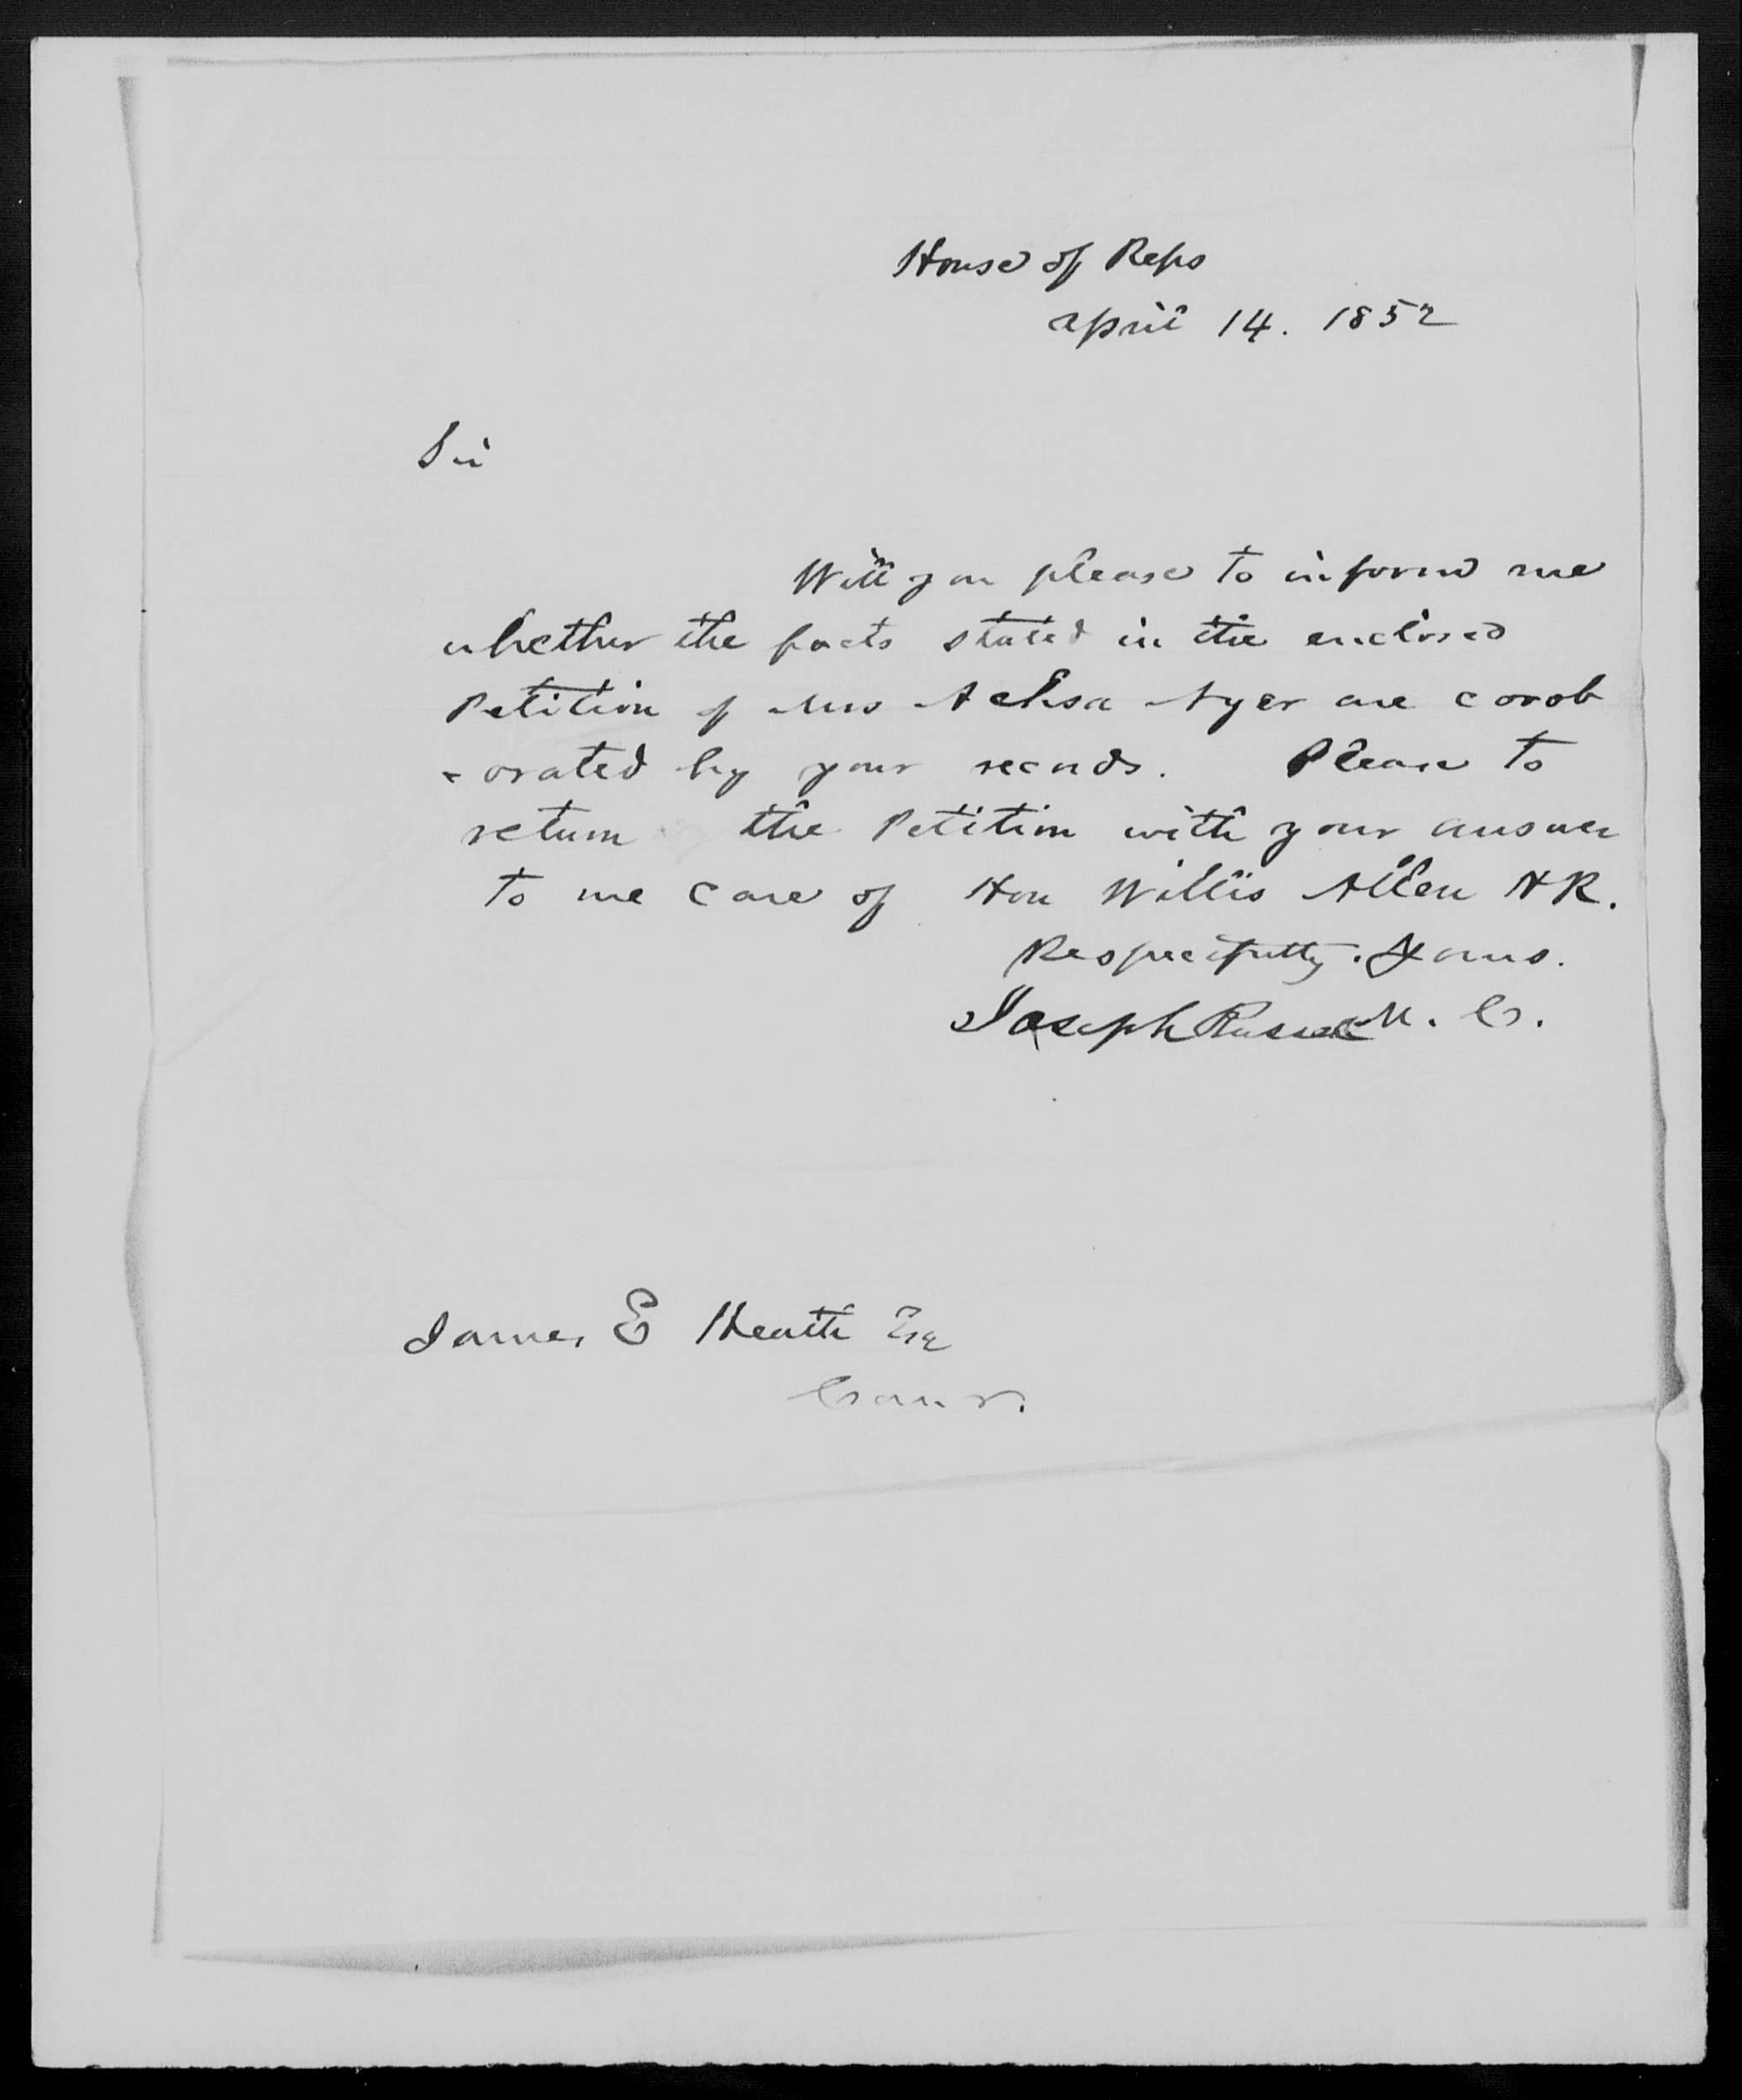House of Reps
April 14, 1852
Sir
Will you please to inform me whether the facts stated in the enclosed Petition of Mrs Achsa Ayer are coroborated [corroborated] by your records.  Please to return the Petition with your answer to me care of Hon Willis Allen HR.
Respectfully Yours
Joseph Russell M. C.
James E Heath Esq
Conn.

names: Willis Allen, Joseph Russell, James E Heath, Achsa Ayer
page: 43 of 50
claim: widow's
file: W. 8559, Ebenezer Ayer, Continental (Conn)